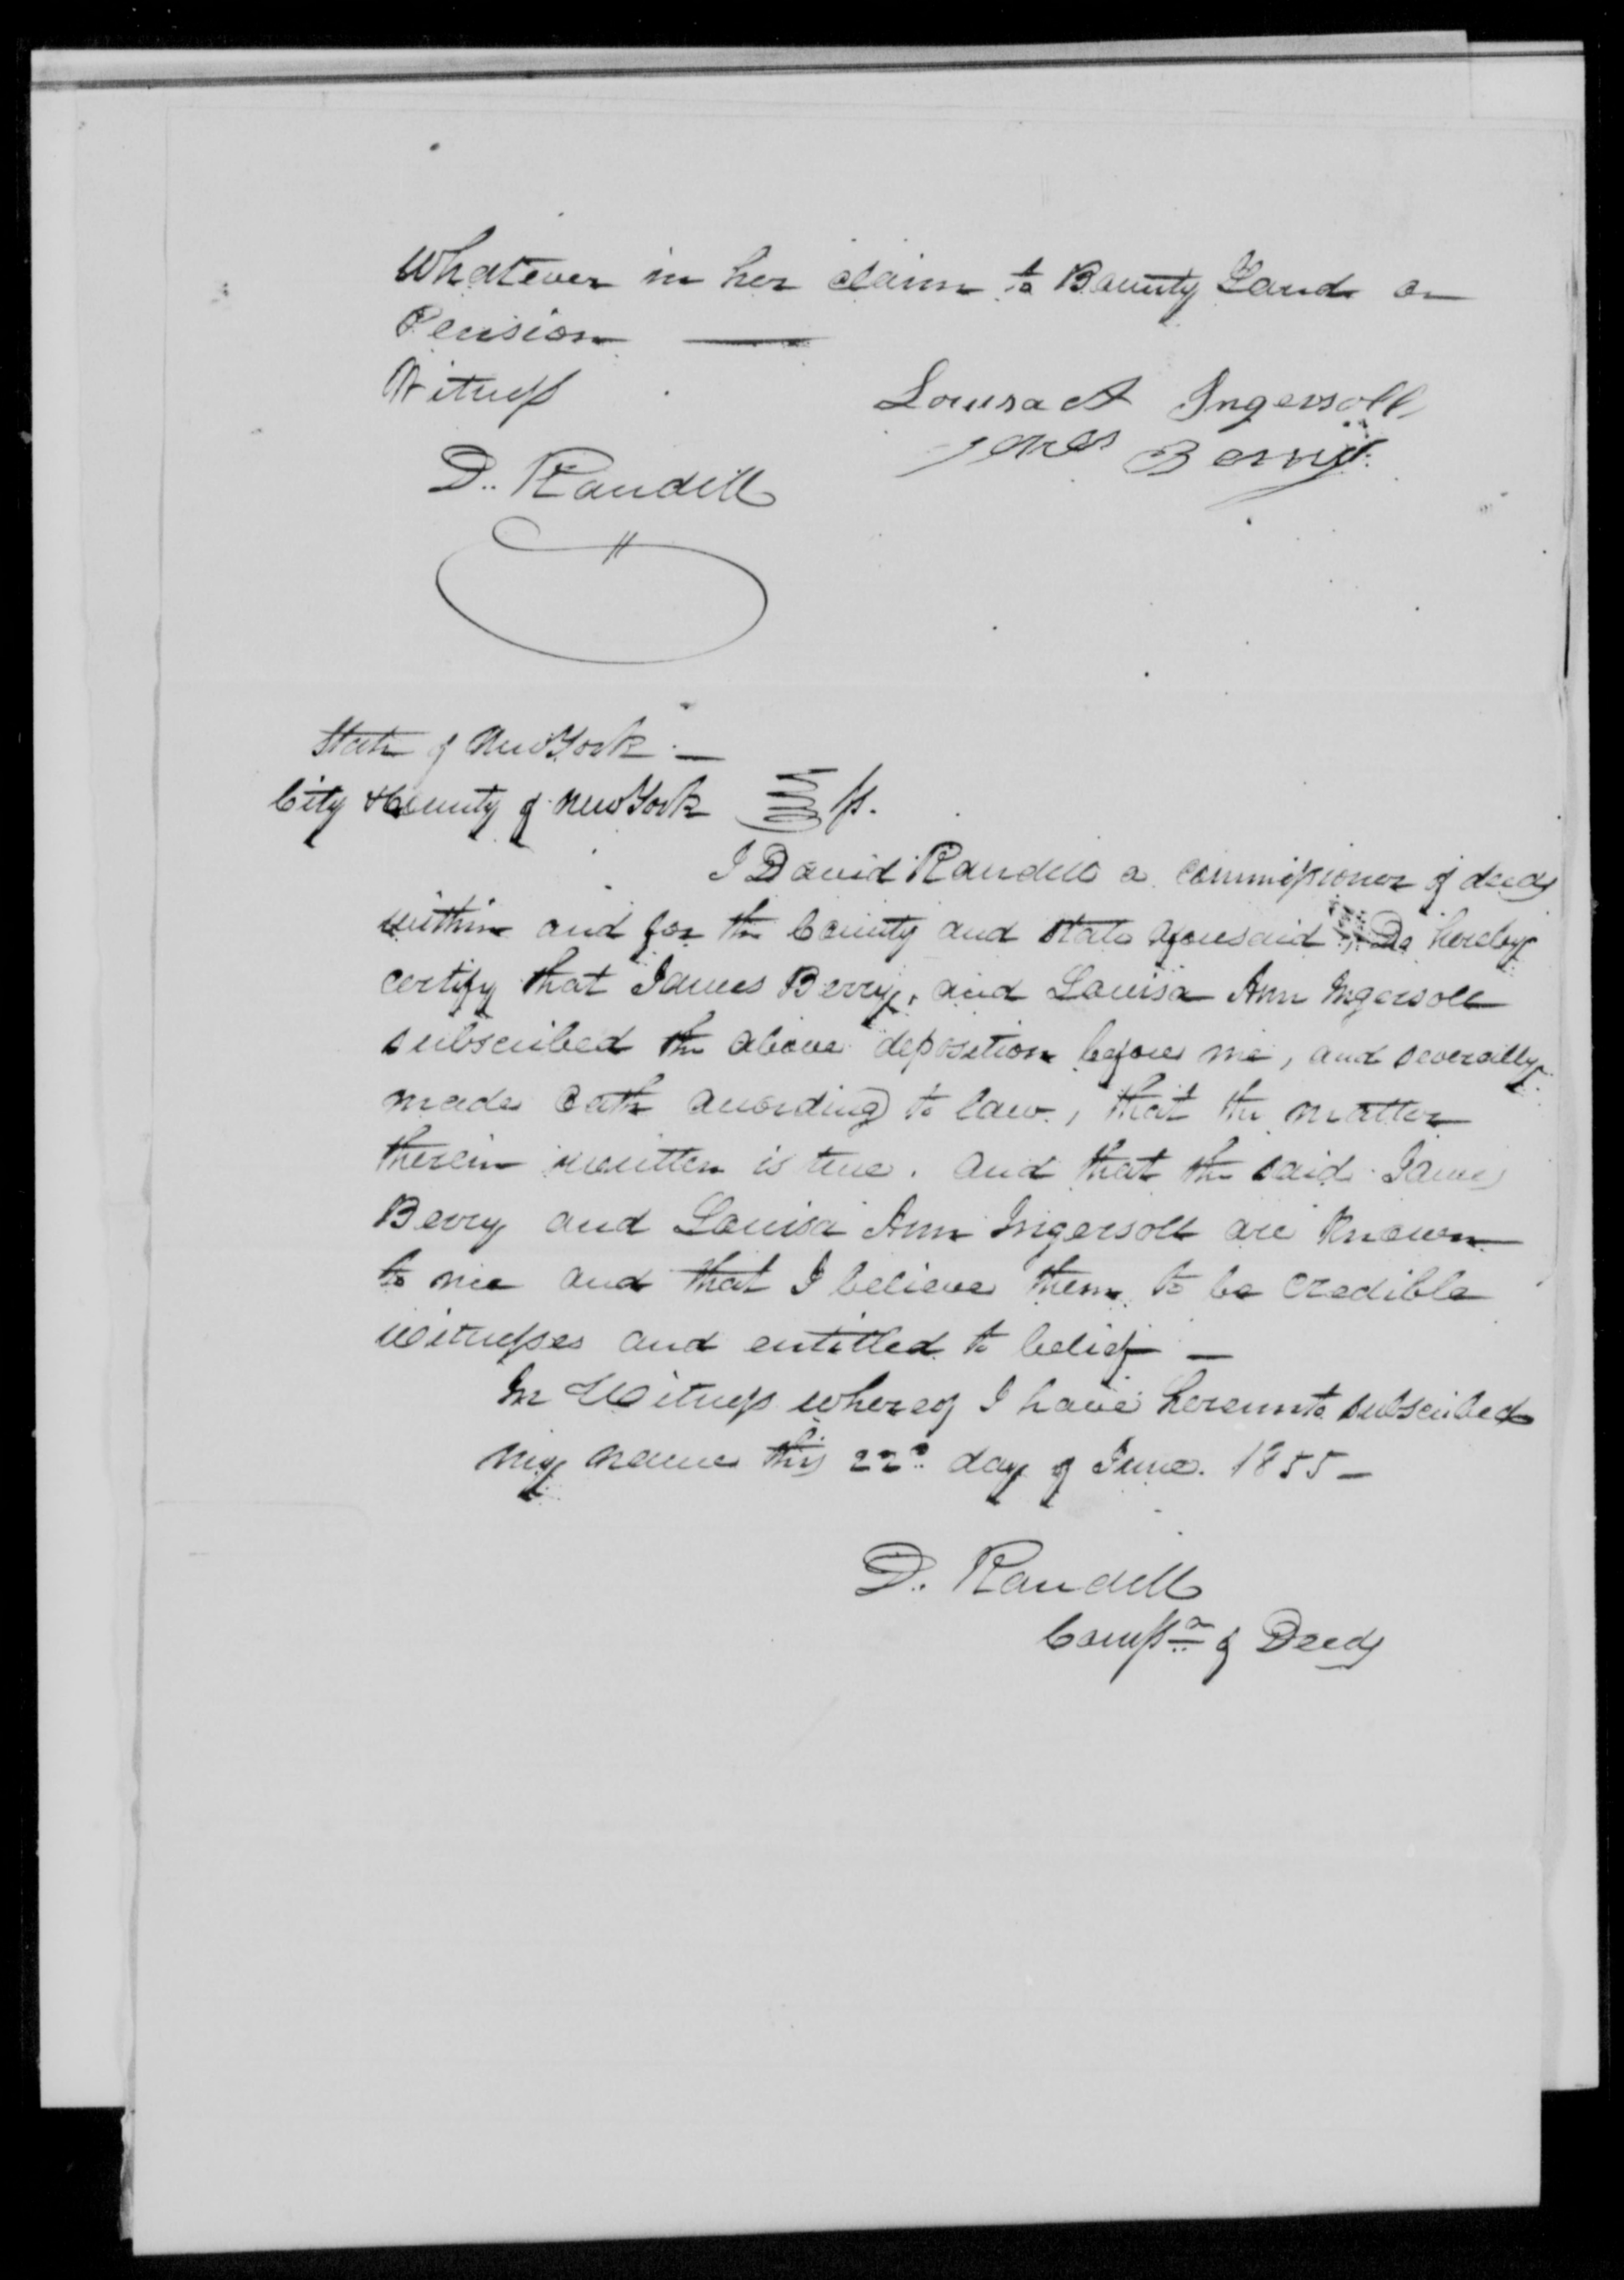whatever in her claims to Bounty Lands or Pension ____
           Louisa A. Ingersoll 
          James Berry 
 D. Randall

State of New York
City & County of New York } SS
            I David Randall a Commissioner of deeds within and for the County and State aforesaid do hereby certify that James Berry and Louisa Ann Ingersoll subscribed the above deposition before me, and severally made oath according to law, that the matters therein written is true. and that the said James Berry and Louisa Ann Ingersoll are known to me and that I believe them to be credible witnesses and entitled to belief -
In witness whereof I have hereunto subscribed my name this 22nd day of June 1855 -

                                       D. Randall
                
                              Comissr of Deeds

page: 17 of 101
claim: widow's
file: W. 25481, for Peter V Tilyou, New Jersey